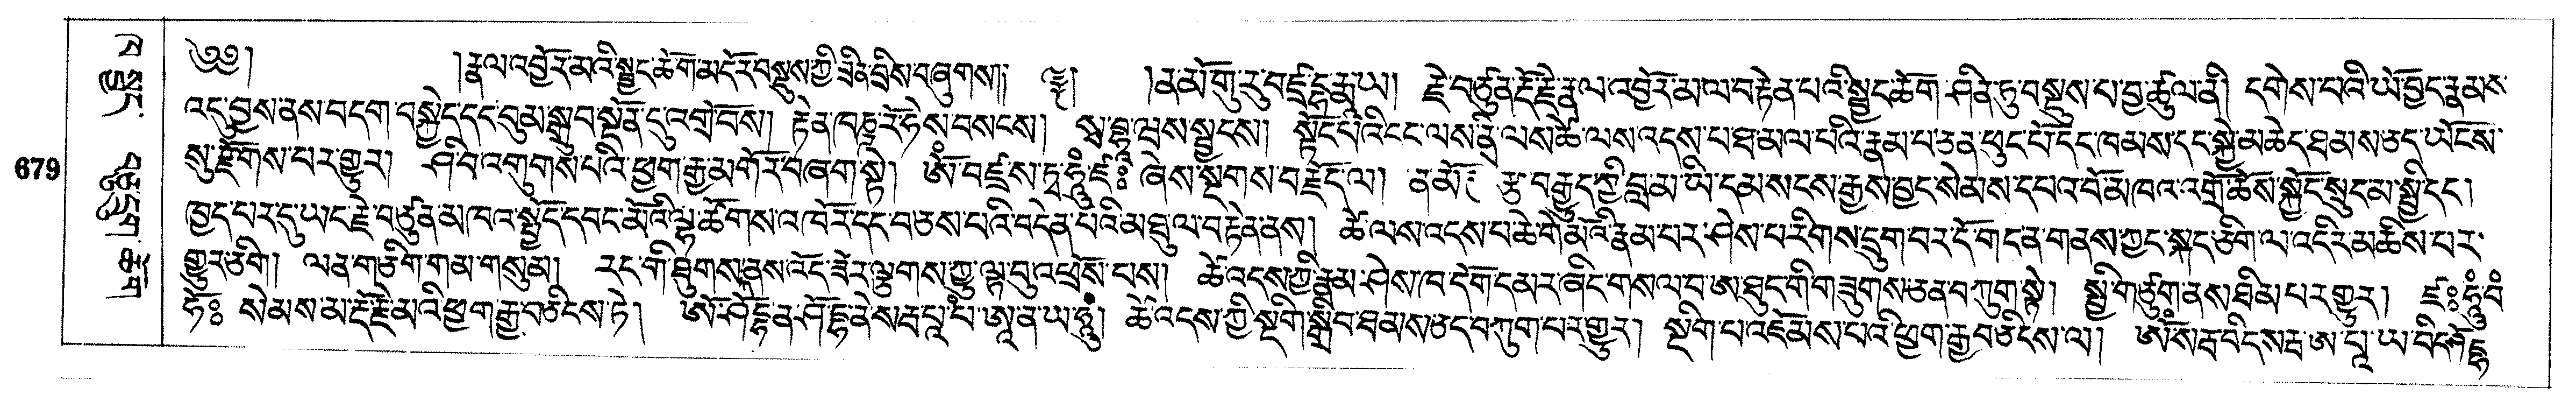༄༅། །རྣལ་འབྱོར་མའི་སྦྱང་ཆོ་ག་མདོར་བསྡུས་ཀྱི་ཟིན་བྲིས་བཞུགས།། ༈། །ན་མོ་གུ་རུ་བྫྲ་དྷ་རྨཱ་ཡ། རྗེ་བཙུན་རྡོ་རྗེ་རྣལ་འབྱོར་མ་ལ་བརྟེན་པའི་སྦྱང་ཆོ་ག་ཤིན་ཏུ་བསྡུས་པ་བྱ་ཚུལ་ནི། དགེས་པའི་ཡོ་བྱད་རྣམས་
འདུ་བྱས་ནས་བདག་བསྐྱེད་དང་བུམ་སྒྲུབ་སྔོན་དུ་འགྲོ་བས། རྟེན་ཁཎྜ་རོ་ཧེས་བསངས། སྭ་བྷཱ་ཝས་སྦྱངས། སྟོང་པའི་ངང་ལས་ནི་ལས་ཚེ་ལས་འདས་པ་ཐ་མལ་པའི་རྣམ་པ་ཅན་ཕུང་པོ་དང་ཁམས་དང་སྐྱེ་མཆེད་ཐམས་ཅད་ཡོངས་
སུ་རྫོགས་པར་གྱུར། ཤི་བ་འགུགས་པའི་ཕྱག་རྒྱ་མགོར་བཞག་སྟེ། ཨོཾ་བཛྲ་ས་ཏྭ་ཧཱུཾ་ཛཿ ཞེས་སྔགས་བརྗོད་ལ། ན་མོ༑ རྩ་བརྒྱུད་ཀྱི་བླ་མ་ཡི་དམ་སངས་རྒྱས་བྱང་སེམས་དཔའ་བོ་མཁའ་འགྲོ་ཆོས་སྐྱོང་སྲུང་མ་སྤྱི་དང་།
ཁྱད་པར་དུ་ཡང་རྗེ་བཙུན་མཁའ་སྤྱོད་དབང་མོའི་ལྷ་ཚོགས་འཁོར་དང་བཅས་པའི་བདེན་པའི་མཐུ་ལ་བརྟེན་ནས། ཚེ་ལས་འདས་པ་ཆེ་གེ་མོའི་རྣམ་པར་ཤེས་པ་རིགས་དྲུག་བར་དོ་གང་ན་གནས་ཀྱང་སྐད་ཅིག་ལ་འདིར་མཆིས་པར་
གྱུར་ཅིག །ལན་གཅིག་གམ་གསུམ། རང་གི་ཐུགས་ཀ་ནས་འོད་ཟེར་ལྕགས་ཀྱུ་ལྟ་བུ་འཕྲོས་པས། ཚེ་འདས་ཀྱི་རྣམ་ཤེས་ཁ་དོག་དམར་ཞིང་གསལ་བ་ཨ་ཐུང་གི་གཟུགས་ཅན་བཀུག་སྟེ། སྤྱི་གཙུག་ནས་ཐིམ་པར་གྱུར། ཛཿ ཧཱུཾ་བཾ་
ཧོཿ སེམས་མ་རྡོ་རྗེ་མའི་ཕྱག་རྒྱ་བཅིངས་ཏེ། ཨོ་ཤོ་དྷ་ན་ཤོ་དྷ་ནེ་སྲྦ་པཱ་པཾ་ཨཱ་ན་ཡ་ཧཱུཾ། ཚེ་འདས་ཀྱི་སྡིག་སྒྲིབ་ཐམས་ཅད་བཀུག་པར་གྱུར། སྡིག་པ་འཇོམས་པའི་ཕྱག་རྒྱ་བཅིངས་ལ། ཨོཾ་སརྦ་བིད་སརྦ་ཨ་པཱ་ཡ་བིད་ཤོདྷ་